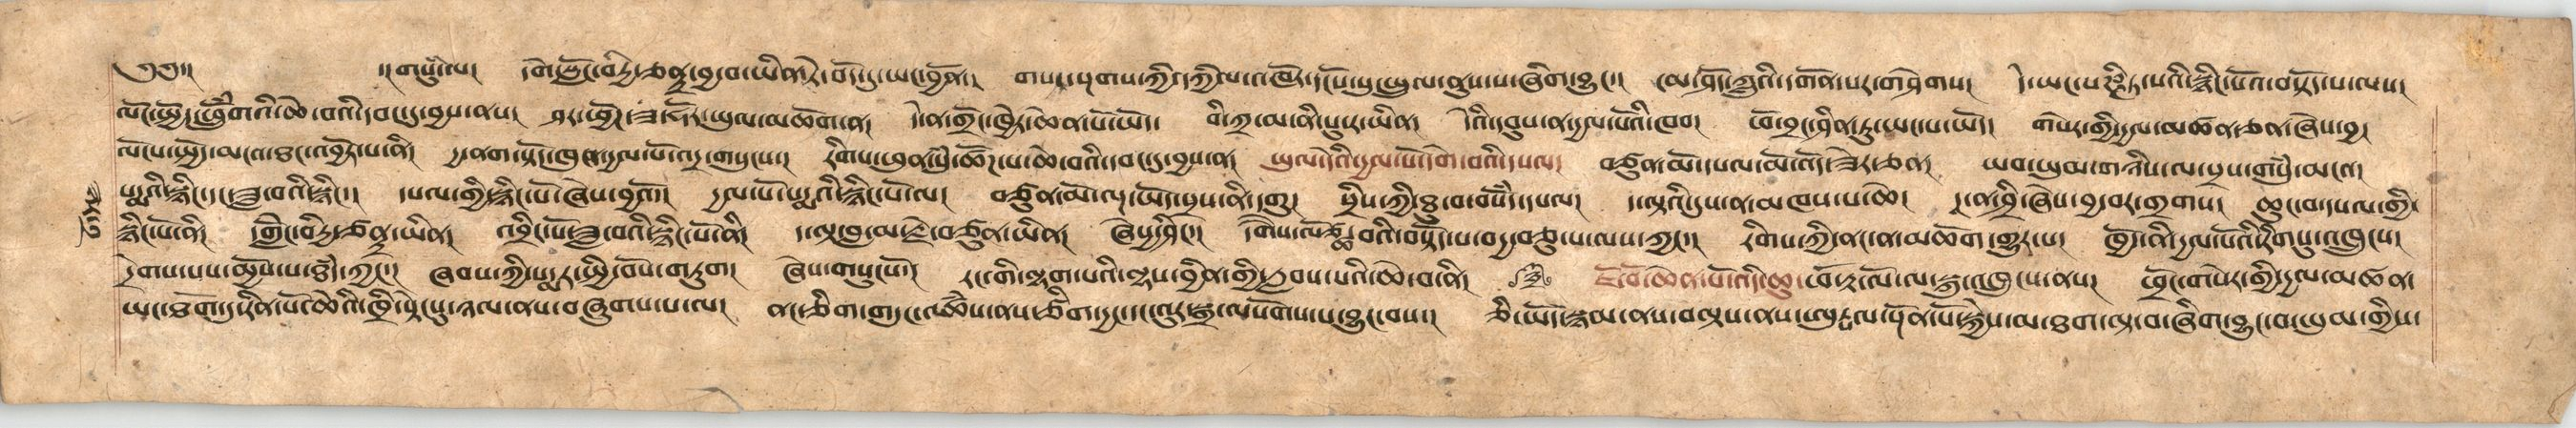་།གསུཾ་པ། དགེ་སློང་བིརྱ་ཙཎྡྲ་བྱ་བ་ཡིན་ཏེ་བོད་དུ་ཡང་བྱོན་། གསང་སྔགས་ཀྱི་དཀྱིལ་འཁོར་དངོས་སུ་སྤྲུལ་ནུས་པ་ཞིག་བྱུང་། ངམ་ཤོད་ཀླུའི་དགོན་པར་གཤེགས། དེ་ཡང་པཎྜིཏ་སའི་སྙིང་པོའ་བསྟོད་པ་ལས།
ལོང་སྤྱོད་ཕྲོུཾགའི་ཆེ་བའི་དབང་དུ་བྱས་ནས། ཤར་ཕྱོཌ་ཟ་ཧོར་ཡུལ་མཆོག་ན། དེ་ན་གྲོང་ཁྱེར་ཆེན་པོ་ཡོད་ བི་ཀྲ་མ་ནི་པུ་ར་ཡིན། དེའི་དབུས་ན་དྱལ་པོའི་ཁབ། ཕོ་བྲང་ཤིན་ཏུ་ཡང་པ་ཡོད། གསེར་གྱི་དྱལ་མཚན་ཅན་ཞེས་བྱ།
ལོངས་སྤྱོད་མངའ་ཐང་འབྱོར་པ་ནི། དྱ་ནག་སྟོང་ཁུན་རྒྱལ་པོ་འདྲ་གསུངས་། རིགས་ཕུན་སུཾ་ཚོཌ་པ་ཆེ་བའི་དབང་དུ་བྱས་ན། ཡུལ་དེའི་དྱལ་པོ་དགེ་བའི་དཔལ། བཙུན་མོ་དཔལ་མོ་འོད་ཟེར་ཅན། ཡབ་ཡུམ་གཉིས་ལ་སྲས་གསུཾ་མངའ།
པདྨའི་སྙིང་དང་ཟླ་བའི་སྙིང་། དཔལ་གྱི་སྙིང་པོ་ཞེས་བྱའོ། དྱལ་པོ་པདྨའི་སྙིང་པོ་ལ། བཙུན་མོ་ལྔ་ཡོད་སྲས་ནི་དགུ། སྲིས་ཀྱི་ཐུ་བ་བསོདཾ་དཔལ། ད་ལྟའི་དུས་ན་མཁས་པ་ཆེ། དཱ་ན་ཤྲཱི་ཞེས་བྱ་བར་གྲགས། ཆུང་བ་དཔལ་གྱི་
སྙིང་པོ་ནི། དགླེོང་བིརྱ་ཙནྡྲ་ཡིན། འབྲིང་པོ་ཟླ་བའི་སྙིང་པོ་ནི། ད་ལྟ་བླ་མ་རྗེ་བཙུན་ཡིན། ཞེསྱ་ཤིང་། དགཻས་ལོཙྪ་བའི་བསྟོད་པ་བདྱ་བཅུ་པ་ལས་ཀྱང་། རིགས་ཀྱི་ནང་ན་མཆོག་གྱུར་པ། ཁྱོད་ནི་རྒྱལ་པོའི་རིགསུ་འཁྲུངས།
དྲེགས་པས་མྱོས་པ་ཐཾད་ཀྱང་། ཞབས་ཀྱི་པདྨར་སྤྱི་བོས་གཏུག། ཞེས་གསུངསོ་། རང་གི་ལྷག་པའི་ལྷས་བྱིན་གྱི་རླབས་པའི་ཆེ་བ་ནི། ༼༣༽ ཇོ་བོ་ཆེན་པོ་འདི་ཆུ་ཕོ་རྟ་ལོ་ལ་སྐུ་འཁྲུངས་ནས། ཕྲོང་གསེར་གྱི་དྱལ་མཚན་
ཡང་ཐོག་དུ་རིན་པོ་ཆེའི་ཁྲི་སྟེངསུ་ཉལ་ནས་བཞུགས་པ་ལ། ནང་གཅིག་གདུང་འཚཾས་ནས་ཙིག་དྱང་དང་འུར་སྒྲ་ལསོགས་པ་བྱུང་བས་། ཅི་ཡོད་སྙམ་ནས་བལྟས་ནས་ཨུཏྤལ་སྔོན་པོ་སྐྱེས་མ་ཐག་ལྟ་བ་ཞིག་བྱུང་བ་ཡུམ་གྱིས་